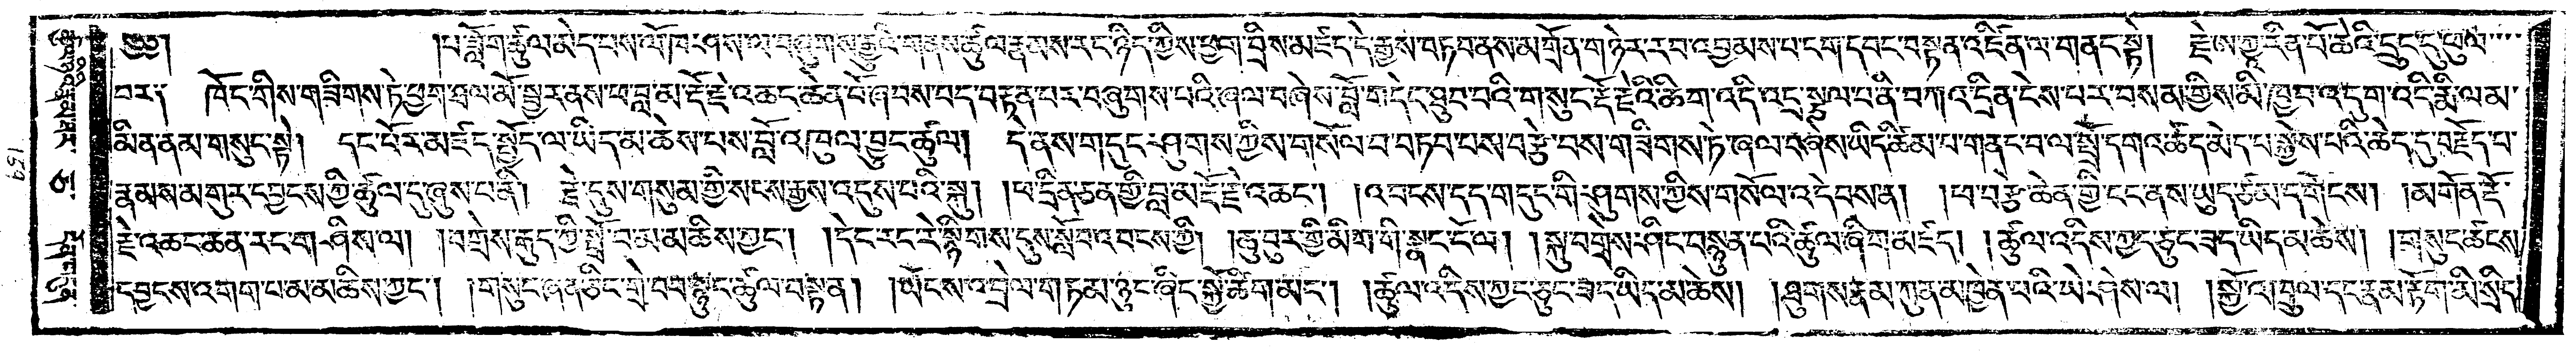༄༅། །པ་ཟློག་ཚུལ་མེད་བས་ལོ་ཁ་ཤས་ལ་བཞུགས་རྒྱུའི་གནས་ཚུལ་རྣམས་རང་ཉིད་ཀྱིས་ཕྱག་བྲིས་མཛད་དེ་རྒྱས་བཏབ་ནས་མགྲོན་གཉེར་རབ་འབྱམས་བ་ངག་དབང་བསྟན་འཛིན་ལ་གནང་སྟེ། རྗེ་ཨ་ཀྱཱ་རིན་པོ་ཆེའི་དྲུང་དུ་ཕུལ་
བར༑ ཁོང་གིས་གཟིགས་ཏེ་ཕྱག་ཐལ་མོ་སྦྱར་ནས་ཕ་བླ་མ་རྡོ་རྗེ་འཆང་ཆེན་བོ་ཞབས་བད་བརྟན་པར་བཞུགས་པའི་ཞལ་བཞེས་བློ་གདེང་ཐུབ་བའི་གསུང་རྡོ་རྗེའི་ཆིག་འདི་འདྲ་སྩལ་བ་ནི་བཀའ་དྲིན་ངེས་པར་བསམ་གྱིས་མི་ཁྱབ་འདུག་འདི་རྨི་ལམ་
མིན་ནམ་གསུང་སྟེ། དང་པོར་མཛད་སྦྱོད་ལ་ཡིད་མ་ཆེས་པས་བློ་འཁུལ་བྱུང་ཚུལ། དེ་ནས་གདུང་ཤུགས་ཀྱིས་གསོལ་བ་བཏབ་པས་བརྩེ་བས་གཟིགས་ཏེ་ཞལ་བཞེས་ཡིད་ཚིམ་པ་གནང་བ་ལ་སྤྲོ་དགའ་ཚད་མེད་པ་སྐྱེས་པའི་ཆེད་དུ་བརྗོད་བ་
རྣམས་མགུར་དབྱངས་ཀྱི་ཚུལ་དུ་ཞུས་པ་ནི། རྗེ་དུས་གསུམ་གྱི་སངས་རྒྱས་འདུས་བའི་སྐུ། །ཕ་དྲིན་ཅན་གྱི་བླ་མ་རྡོ་རྗེ་འཆང་། །འབངས་དད་གདུང་གི་ཤུགས་ཀྱིས་གསོལ་འདེབས་ན། །ཕ་བརྩེ་ཆེན་གྱི་ངང་ནས་ཡུད་ཙམ་དགོངས། །མགོན་རྡོ་
རྗེ་འཆང་ཆེན་རང་གཤིས་ལ། །བགྲེས་རྒུད་ཀྱི་སྤྲོ་བ་མ་མཆིས་ཀྱང་། །དེང་རང་རེ་སྙིགས་དུས་སློབ་འབངས་ཀྱི། །ཆུ་བུར་གྱི་མིག་གི་སྣང་ངོ་ལ། །སྐུ་བགྲེས་ཤིང་བསྙུན་པའི་ཚུལ་ཞིག་མཛད། །ཚུལ་འདིས་ཀྱང་ཅུང་ཟད་ཡིད་མ་ཆེས། །གསུང་ཚངས་
དབྱངས་འགག་པ་མ་མཆིས་ཀྱང་། །གསུང་ཞན་ཅིང་གྲེ་བབ་སྙུང་ཚུལ་བསྟན། །ཡོངས་འབྲེལ་གཏམ་ཉུང་ཞིང་སྐྱོ་ཚིག་མང་། །ཚུལ་འདིས་ཀྱང་ཅུང་ཟད་ཡིད་མ་ཆེས། །ཐུགས་རྣམ་ཀུན་མཁྱེན་པའི་ཡེ་ཤེས་ལ། །སྐྱོ་འཁྲུལ་དང་རྣམ་རྟོག་མི་སྲིད་